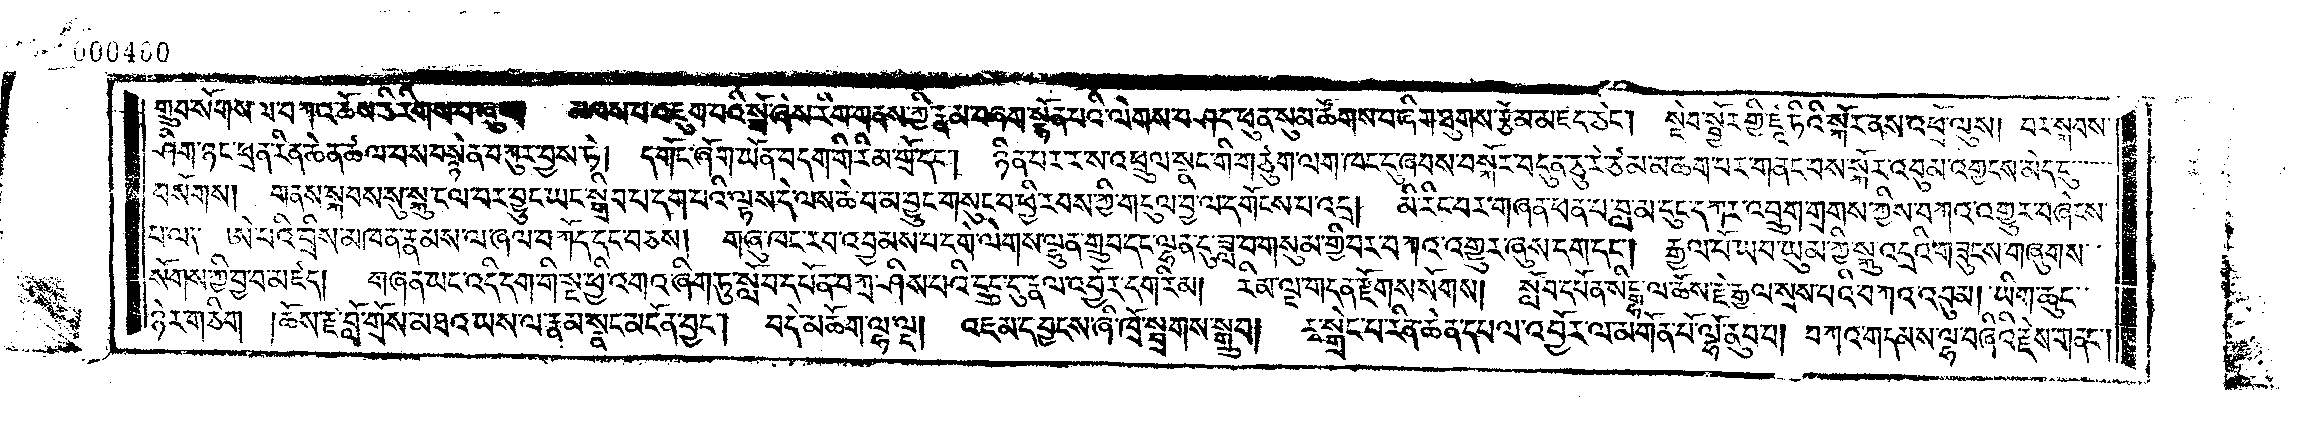གྲུབ་སོགས་ལ་བཀའ་ཆོས་ཅི་རིགས་པ་ཞུས། མཁས་པ་འཇུག་པའི་སྒོ་ཞེས་རིག་གནས་ཀྱི་རྣམ་བཞག་སྟོན་པའི་ལེགས་བཤང་ཕུན་སུམ་ཚོགས་པ་ཞིག་ཐུགས་རྩོམ་མཛད་ཅིང་། སྡེབ་སྦྱོར་གྱི་ཛཱ་ཏིའི་སྐོར་ནས་འཕྲོ་ལུས། བར་སྐབས་
ཤིག་ཉང་ཕྲན་རིན་ཆེན་ཚལ་བས་བསྙེན་བཀུར་བྱས་ཏེ། དགོང་ཞོག་ཡོན་བདག་གི་རིམ་གྲོ་དང་། ཉིན་པར་ར་ས་འཕྲུལ་སྣང་གི་གཙུག་ལག་ཁང་དུ་ཞབས་བསྐོར་བདུན་ཅུ་རེ་ཙམ་མ་ཆག་པར་གནང་བས་སྐོར་འབུམ་འགྱངས་མེད་དུ་
བསོགས། གནས་སྐབས་སུ་སྐུ་ངལ་བར་བྱུང་ཡང་སྒྲིབ་པ་དག་པའི་ལྟས་དེ་ལས་ཆེ་བ་མ་བྱུང་གསུང་བ་ཕྱི་རབས་ཀྱི་གདུལ་བྱ་ལ་དགོངས་པ་འདྲ། མི་རིང་པར་གཞན་ཕན་པ་བླ་མ་དུང་དཀར་འབྲུག་གྲགས་ཀྱིས་བཀའ་འགྱུར་བཞེངས་
པ་ལ༑ ཨེ་པའི་བྲིས་མཁན་རྣམས་ལ་ཞལ་བཀོད་དང་བཅས། གཞུ་ཁང་རབ་འབྱམས་བ་དགེ་ལེགས་ལྷུན་གྲུབ་དང་ལྷན་དུ་ཟླ་བ་གསུམ་གྱི་བར་བཀའ་འགྱུར་ཞུས་དག་དང་། རྒྱལ་པོ་ཡབ་ཡུམ་གྱི་སྐུ་འདྲའི་གཟུངས་གཞུགས་
སོགས་ཀྱི་བྱ་བ་མཛད། གཞན་ཡང་འདི་དག་གི་སྔ་ཕྱི་འགའ་ཞིག་ཏུ་སློབ་དཔོན་བཀྲ་ཤིས་པའི་དྲུང་དུ་རྣལ་འབྱོར་དག་རིམ། རིམ་ལྔ་གདན་རྫོགས་སོགས། སློབ་དཔོན་སིངྒྷ་ལ་ཆོས་རྗེ་རྒྱལ་སྲས་པའི་བཀའ་འབུམ། ཡིག་ཆུང་
ཉེར་གཅིག །ཆོས་རྗེ་བློ་གྲོས་མཐའ་ཡས་ལ་རྣམ་སྣང་མངོན་བྱང་། བདེ་མཆོག་ལྷ་ལྔ། འཇམ་དབྱངས་ཞི་ཁྲོ་སྦྲགས་སྒྲུབ། རྭ་སྒྲེང་པ་རིན་ཆེན་དཔལ་འབྱོར་ལ་མགོན་པོ་ལྷོ་ནུབ་བ། བཀའ་གདམས་ལྷ་བཞིའི་རྗེས་གནང་།